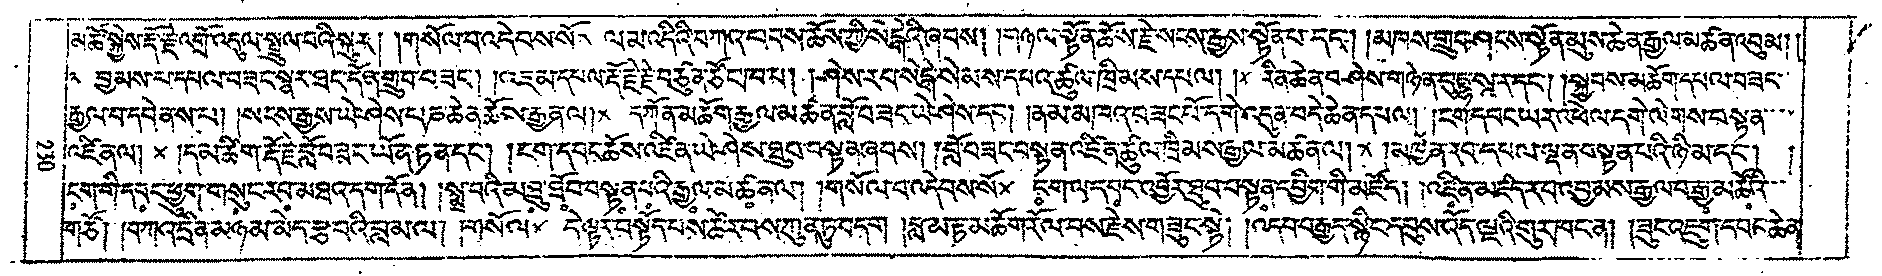མཚོ་སྐྱེས་རྡོ་རྗེ་འགྲོ་འདུལ་སྤྲུལ་པའི་སྐུར། །གསོལ་བ་འདེབས་སོ་྾་ལམ་འདིའི་བཀའ་བབས་ཆོས་ཀྱི་སེངྒེའི་ཞབས། །གཉལ་སྟོན་ཆོས་རྗེ་སངས་རྒྱས་སྟོན་པ་དང་། །མཁས་གྲུབ་ཤངས་སྟོན་མུས་ཆེན་རྒྱལ་མཚན་འབུམ། །
྾་བྱམས་པ་དཔལ་བཟང་སྣར་ཐད་དོན་གྲུབ་བཟང་། །འཇམ་དཔལ་རྡོ་རྗེ་རྗེ་བཙུན་ཙོང་ཁ་པ། །ཤེས་རབ་སེངྒེ་སེམས་དཔའ་ཚུལ་ཁྲིམས་དཔལ། ། ྾་རིན་ཆེན་བཤེས་གཉེན་བུདྡྷ་སཱ་ར་དང་། །སྐྱབས་མཆོག་དཔལ་བཟང་
རྒྱལ་བ་དབེན་ས་པ། །སངས་རྒྱས་ཡེ་ཤེས་པཎ་ཆེན་ཆོས་རྒྱན་ལ། ྾་དཀོན་མཆོག་རྒྱལ་མཚན་བློ་བཟང་ཡེ་ཤེས་དང་། །ནམ་མཁའ་བཟང་པོ་དགེ་འདུན་བདེ་ཆེན་དཔལ། །ངག་དབང་ཡར་འཕེལ་དགེ་ལེགས་བསྟན་
འཛིན་ལ། ྾་།དམ་ཚིག་རྡོ་རྗེ་བློ་བཟང་ཡོན་ཏན་དང་། །ངག་དབང་ཆོས་འཛིན་ཡེ་ཤེས་ཐུབ་བསྟན་ཞབས། །བློ་བཟང་བསྟན་འཛིན་ཚུལ་ཁྲིམས་རྒྱལ་མཚན་ལ། ྾་།མཁྱེན་རབ་དཔལ་ལྡན་བསྟན་པའི་ཉི་མ་དང་། །
ངག྾་གི་དབང྾་ཕྱུག་གསུང྾་རབ྾་མཐའ་དག་དོན། །སྨྲ་བའི་མཐུ྾་ཐོབ྾་བསྟན྾་པའི྾་རྒྱལ྾་མཚན྾་ལ། །གསོལ་བ་འདེབས་སོ་྾་ངག྾་ལ་དབང྾་འབྱོར་ཐུབ་བསྟན྾་དབྱིག་གི་མཛོད། །འཛིན྾་མཛད་རབ་འབྱམས་རྒྱལ་བ་རྒྱ྾་མཚོའི྾་
གཙོ། །བཀའ་དྲིན་མཉམ་མེད་རྩ་བའི་བླ་མ་ལ། །གསོལ་྾་དེ་ལྟར་བསྟོད་པས་ཚེ་རབས་ཀུན་ཏུ་བདག །བླ་མ་རྟ་མཆོག་རོལ་པས་རྗེས་གཟུང་སྟེ། །འདབ་བརྒྱད་སྙིང་དབུས་འོད་ལྔའི་གུར་ཁང་ན། །ཟུང་འཇུག་དབང་ཆེན་